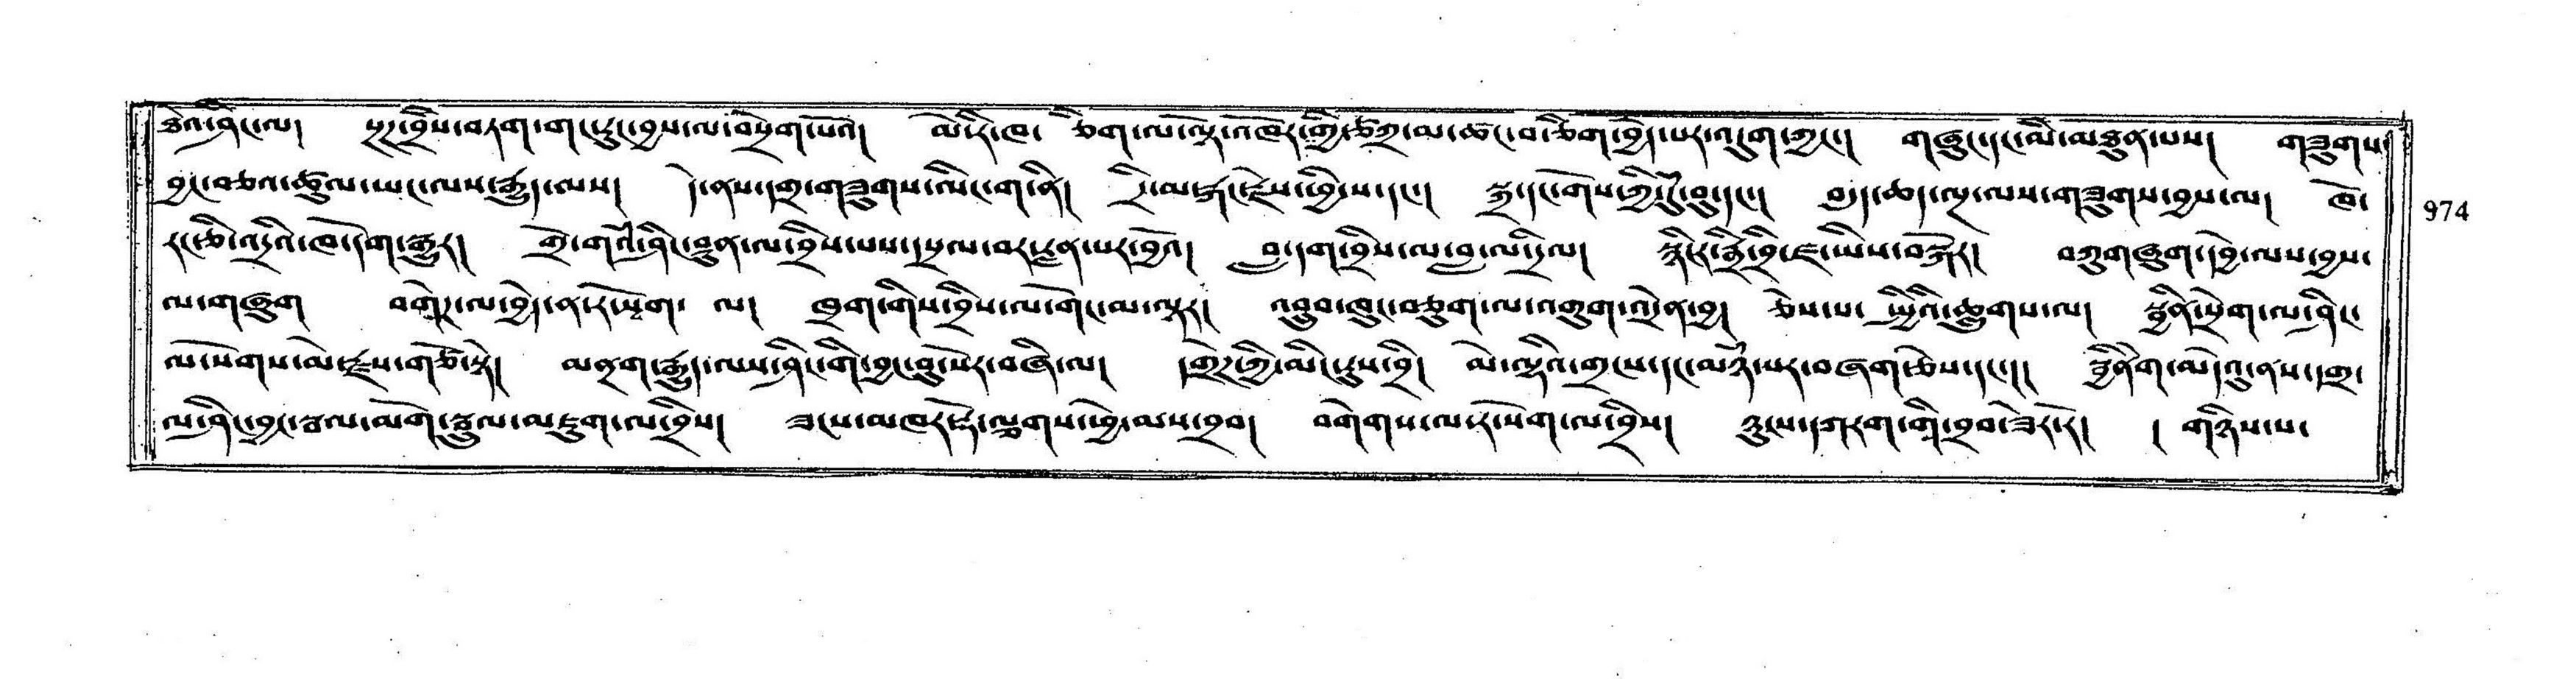ཐེའ་ཤིང་ལ། སྔགས་བྲིས་བཏག་གང་རུང་བྱས་ལ་བསྲེག་པའོ། མེ་རི་ཁ་ཅིག་ལ་ལྟེ་འཁོར་གྱི་ཙཀྲ་མ་ཚང་བ་ཅིག་བྱེད་པར་འདུག་ཀྱང་། གཞུང་དང་མི་མཐུན་པས། གཟུགས་
བྱང་བཅའ་ཚུལ་ཡང་ལས་རྒྱུད་ལས། དེ་ནས་དགྲ་གཟུགས་ལིང་ག་ནི། དྲི་མ་རྐང་རྗེས་ཕྱི་ས་དང་། སྐྲ་དང་གོས་ཀྱི་དུམ་བུ་དང་། བདུད་ཆད་ལྔ་ལས་གཟུགས་བྱས་ལ། ཁོ་
རང་ཅི་འདྲའི་ཁ་དོག་སྒྱུར། གྲོ་གའམ་ཤིང་ཤུན་ལ་བྲིས་པས་དཔྲལ་བར་རླན་པར་བྱའོ། བླ་དག་བྲིས་ལ་བླ་ལ་དྲིལ། སྙིང་ཁར་རྣྲི་བྲི་ཛ་ཡིས་བསྐོར། བཀུག་གཞུག་དབྱེ་ལས་བྱས་
ལ་གཞུག བགེགས་ལ་བྱེད་ན་ར་སྭོག་ལ། ཁྲག་གིས་བྲིས་ལ་གོང་མ་ལྟར། འབྲུབ་ཁུང་བཅུག་ལ་འགུག་འདྲེན་བྱ། ཅེས་པ་སྤྱིའི་ཆ་ལུགས་ལ། སྦྱིན་སྲེག་ལ་ཤིང་
ལ་སོགས་མེ་རྫས་གཙོ་སྟེ། མན་ངག་རྒྱུད་ལས་ཤིང་གི་བྱང་བུ་སོར་བཞི་ལ། དགྲ་བགེགས་ཀྱི་མིང་རུས་བྲི། མེ་ལྷའི་གྲངས་དང་མཉམ་པར་བཞག་ཅེས་དང་།། སྦྱིན་སྲེག་མདེའུ་ནས་དགྲ་
ལ་ཤིང་བྱང་སྦལ་མགོ་སྦྲུལ་མཇུག་ལ་བྲིས། ཟངས་མཁར་རྡོ་ལྕགས་ཕྱེ་མས་བྲབ། བགེགས་ལ་ར་སོག་ལ་བྲིས། ཉུངས་དཀར་ནག་གི་བྲབ་ཟེར་རོ། །གཉིས་པ་